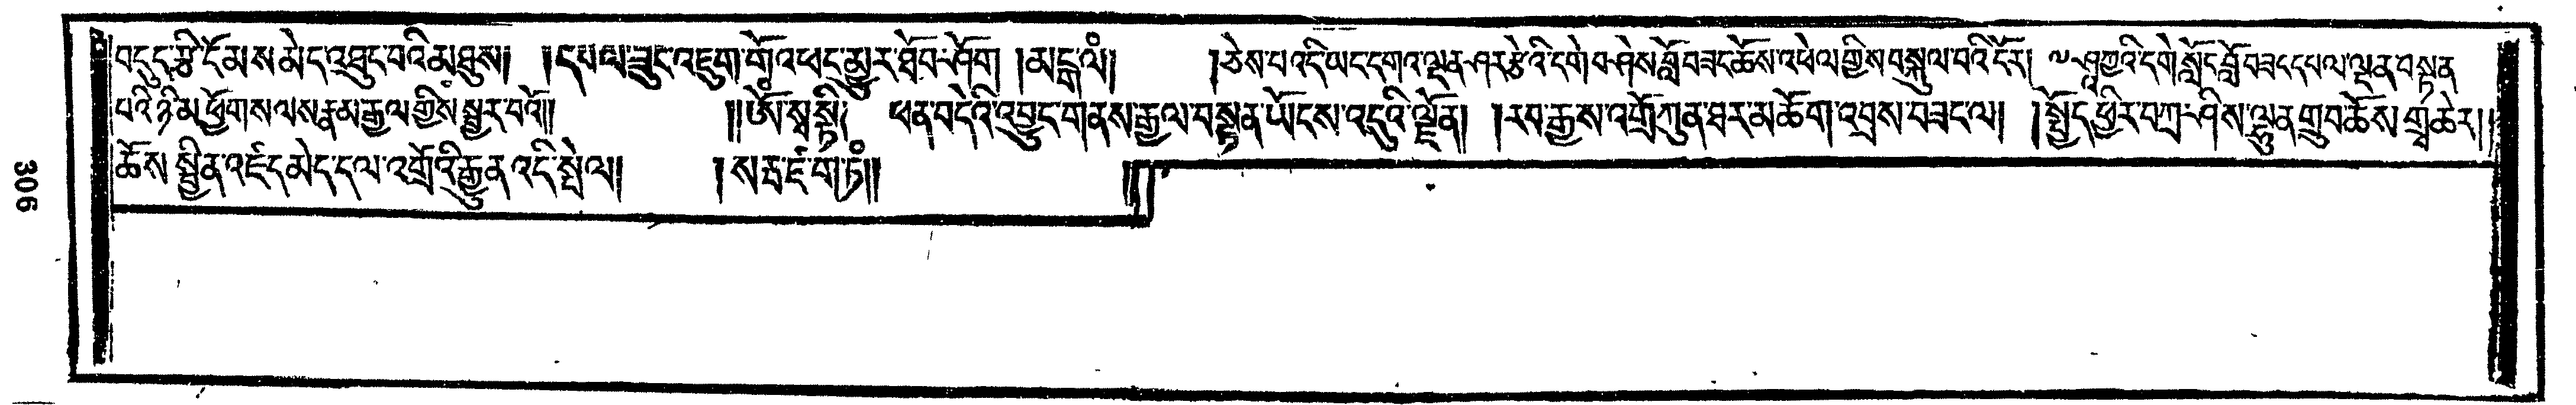བདུད་རྩི་ངོམས་མེད་འཐུང་བའི་མཐུས། །དཔལ་ཟུང་འཇུག་གོ་འཕང་མྱུར་ཐོབ་ཤོག །མངྒ་ལཾ། །ཅེས་པ་འདི་ཡང་དགའ་ལྡན་ཤར་རྩེའི་དགེ་བཤེས་བློ་བཟང་ཆོས་འཕེལ་གྱིས་བསྐུལ་བའི་ངོར། ༧་ཤཱཀྱའི་དགེ་སློང་བློ་བཟང་དཔལ་ལྡན་བསྟན་
པའི་ཉི་མ་ཕྱོགས་ལས་རྣམ་རྒྱལ་གྱིས་སྦྱར་བའོ།། །།ཨོཾ་སྭ་སྟི། ཕན་བདེའི་འབྱུང་གནས་རྒྱལ་བསྟན་ཡོངས་འདུའི་ལྗོན། །རབ་རྒྱས་འགྲོ་ཀུན་ཐར་མཆོག་འབྲས་བཟང་ལ། །སྤྱོད་ཕྱིར་བཀྲ་ཤིས་ལྷུན་གྲུབ་ཆོས་གྲྭ་ཆེར།།
ཆོས་སྦྱིན་འཛད་མེད་དལ་འགྲོའི་རྒྱུན་འདི་སྤེལ། །སརྦ་ཛ་ག་ཏཾ།། །།